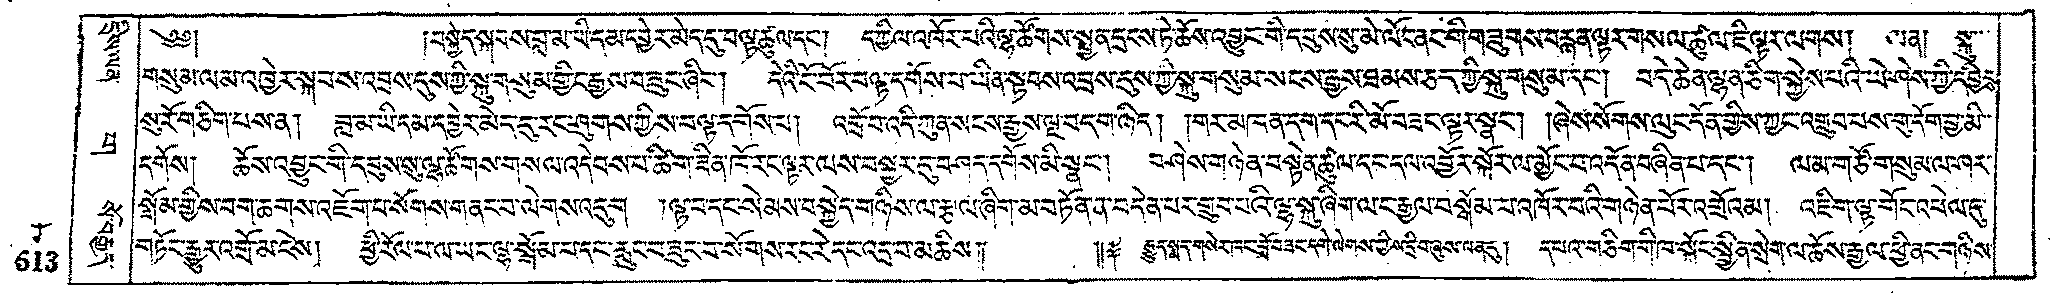༄༅། །བསྐྱེད་སྐབས་བླ་མ་ཡི་དམ་དབྱེར་མེད་དུ་བལྟ་ཚུལ་དང་། དཀྱིལ་འཁོར་པའི་ལྷ་ཚོགས་སྤྱན་དྲངས་ཏེ་ཆོས་འབྱུང་གི་དབུས་སུ་མེ་ལོང་ནང་གི་གཟུགས་བརྙན་ལྟར་གསལ་ཚུལ་ཇི་ལྟར་ལགས། ལན། སྐུ་་་
གསུམ་ལམ་འཁྱེར་སྐབས་འབྲས་དུས་ཀྱི་སྐུ་གསུམ་གྱི་ང་རྒྱལ་བཟུང་ཞིང་། དེའི་ངོ་བོར་བལྟ་དགོས་པ་ཡིན་སྟབས་འབྲས་དུས་ཀྱི་སྐུ་གསུམ་སངས་རྒྱས་ཐམས་ཅད་ཀྱི་སྐུ་གསུམ་དང་། བདེ་ཆེན་ལྷན་ཅིག་སྐྱེས་པའི་ཡེ་ཤེས་ཀྱི་དབྱིངས་
སུ་རོ་གཅིག་པས་ན། བླ་མ་ཡི་དམ་དབྱེར་མེད་དུ་རང་ཤུགས་ཀྱིས་བལྟ་དགོས་པ། འགྲོ་བ་འདི་ཀུན་སངས་རྒྱས་ལྔ་བདག་ཉིད། །གར་མཁན་དག་དང་རི་མོ་བཟང་ལྟར་སྣང་། །ཞེས་སོགས་ལུང་དོན་གྱིས་ཀྱང་འགྲུབ་པས་གུ་དོག་བྱ་མི་་་
དགོས། ཆོས་འབྱུང་གི་དབུས་སུ་ལྷ་ཚོགས་གསལ་འདེབས་པ་ཚིག་ཟིན་ཁོ་རང་ལྟར་ལས་བསྐྱར་དུ་བཤད་དགོས་མི་སྣང་། བཤེས་གཉེན་བསྟེན་ཚུལ་དང་དལ་འབྱོར་སྐོར་ལ་མྱོང་བ་འདོན་བཞིན་པ་དང་། ལམ་གཙོ་གསུམ་ལ་ཤར་
སྒོམ་གྱིས་བག་ཆགས་འཇོག་པ་སོགས་གནང་བ་ལེགས་འདུག །ལྟ་བ་དང་སེམས་བསྐྱེད་གཉིས་ལ་རྩལ་ཞིང་མ་བཏོན་ན་བདེན་པར་གྲུབ་པའི་ལྷ་སྐུ་ཞིང་ལ་ང་རྒྱལ་བསྒོམ་པ་འཁོར་བའི་གཉེན་པོར་འགྲོའམ། འཇིག་ལྟ་གོང་འཕེལ་དུ་
གཏོང་རྒྱུར་འགྲོ་མ་ངེས། ཕྱི་རོལ་པ་ལ་ཡང་ལྷ་སྒོམ་པ་དང་རླུང་བཟུང་བ་སོགས་རང་རེ་དང་འདྲ་བ་མཆིས།། །། འ་རྒྱུད་སྨད་གསེར་ཁང་བློ་བཟང་དགེ་ལེགས་ཀྱིས་དྲི་བ་ཞུས་ལན་དུ།  དཔའ་གཅིག་གི་ཁ་སྐོང་སྦྱིན་སྲེག་ལ་ཆོས་རྒྱལ་ཕྱི་ནང་གཉིས་